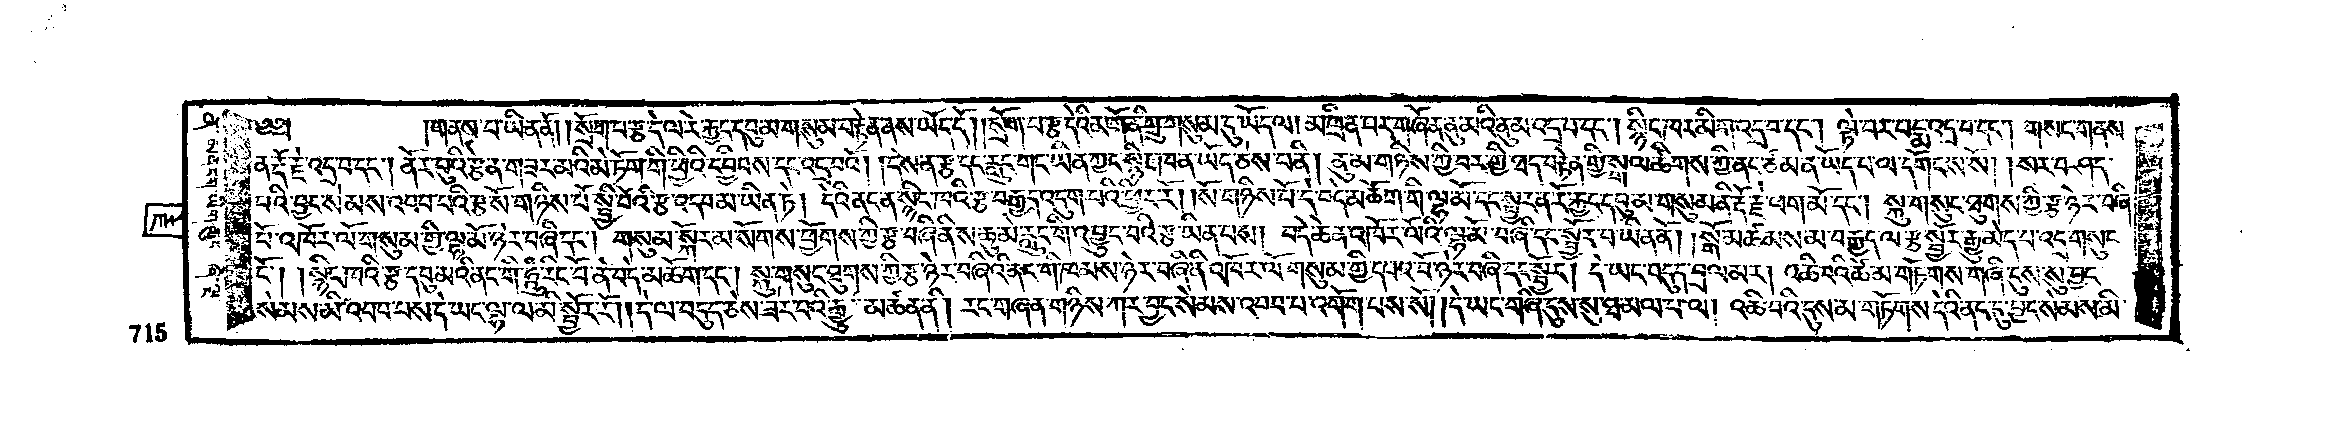༄༅། །གནས་པ་ཡིན་ནོ། །སྲོག་པ་རྩ་དེ་ལ་རོ་རྐྱང་དབུ་མ་གསུམ་བརྟེན་ནས་ཡོད་དོ། །སྲོག་པ་རྩ་དེའི་མགོ་ནི་གྲུ་གསུམ་དུ་ཡོད་ལ། མགྲིན་པར་གཞོན་ནུ་མའི་ནུ་མ་འདྲ་བ་དང་། སྙིང་ཁར་མིག་འདྲ་བ་དང་། ལྟེ་བར་པདམ་འདྲ་བ་དང་། གསང་གནས་
ན་རྡོ་རྗེ་འདྲ་བ་དང་། ནོར་བུའི་རྩེ་ན་གཟར་མའི་མེ་ཏོག་གི་ཕྱིའི་དབྱིབས་དང་འདྲ་བའོ། །དེས་ན་རྩ་དང་རླུང་གང་ཡིན་ཀྱང་སྙིང་ཁ་ན་ཡོད་ཅེས་པ་ནི། ནུ་མ་གཉིས་ཀྱི་བར་གྱི་ཐད་བརྟེན་གྱི་སྒལ་ཚིགས་ཀྱི་ནད་ཙམ་ན་ཡོད་པ་ལ་དགོངས་སོ། །སྔར་བཤད་
པའི་བྱང་སེམས་འབབ་པའི་རྩ་སོ་གཉིས་པོ་སྤྱི་བོའི་རྩ་འདབ་མ་ཡིན་ཏེ། དེའི་ནང་ན་སྙིང་ཁའི་རྩ་བརྒྱད་འདུག་པའི་ཕྱིར་རོ། །སོ་གཉིས་པོ་དེ་བདེ་མཆོག་གི་ལྷ་མོ་དང་སྦྱར་ན་རོ་རྐྱང་དབུ་མ་གསུམ་ནི་རྡོ་རྗེ་ཕག་མོ་དང་། སྐུ་གསུང་ཐུགས་ཀྱི་རྩ་ཉེར་བཞི་
པོ་འཁོར་ལོ་གསུམ་གྱི་ལྷ་མོ་ཉེར་བཞི་དང་། གསུམ་སྐོར་མ་སོགས་ཕྱོགས་ཀྱི་རྩ་བཞི་ནི་ས་ཆུ་མེ་རླུང་གི་འབྱུང་བའི་རྩ་ཡིན་པས། བདེ་ཆེན་འཁོར་ལོའི་ལྷ་མོ་བཞི་དང་སྦྱོར་བ་ཡིན་ནོ། །སྒོ་མཚམས་མ་བརྒྱད་ལ་རྩ་སྦྱོར་རྒྱུ་མེད་པ་འདྲ་གསུང་
ངོ། །སྙིང་ཁའི་རྩ་དབུ་མའི་ནང་གི་ཧཱུཾ་རིང་པོ་ནི་བདེ་མཆོག་དང་། སྐུ་གསུང་ཐུགས་ཀྱི་རྩ་ཉེར་བཞིའི་ནང་གི་ཁམས་ཉེར་བཞི་ནི་འཁོར་ལོ་གསུམ་གྱི་དཔའ་བོ་ཉེར་བཞི་དང་སྦྱོར། དེ་ཡང་བདུད་བྲལ་མར། འཆི་བའི་ཚེ་མ་གཏོགས་གཞི་དུས་སུ་བྱང་
སེམས་མི་འབབ་པས་དེ་ཡང་ལྷ་ལ་མི་སྦྱོར་རོ། །དེ་ལ་བདུད་ཅེས་ཟེར་བའི་རྒྱུ་མཚན་ནི། རང་གཞན་གཉིས་ཀར་བྱང་སེམས་འབབ་པ་འགོག་པས་སོ། །དེ་ཡང་གཞི་དུས་སུ་ཐ་མལ་པ་ལ། འཆི་བའི་དུས་མ་གཏོགས་དེའི་ནང་དུ་བྱང་སེམས་མི་